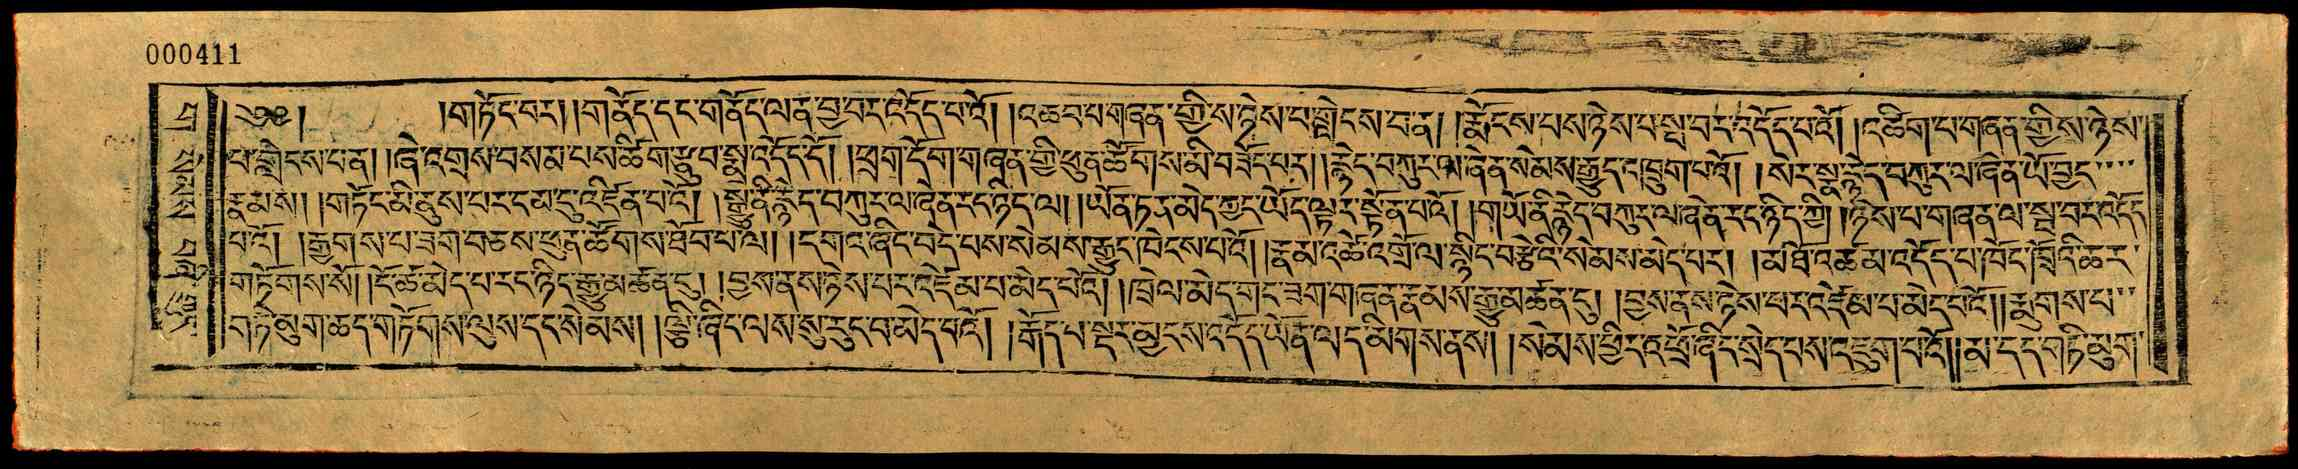༄༅། །གཏོང་བར། །གནོད་དང་གནོད་ལན་བྱ་བར་འདོད་པའོ། །འཆབ་པ་གཞན་གྱིས་ཉེས་པ་གླེངས་པ་ན། །རྨོངས་པས་ཉེས་པ་སྦ་བར་འདོད་པའོ། །འཚིག་པ་གཞན་གྱིས་ཉེས་
པ་གླེངས་པ་ན། །ཞེ་འགྲས་བསམ་པས་ཚིག་རྩབ་སྨྲ་འདོད་དོ། །ཕྲག་དོག་གཞན་གྱི་ཕུན་ཚོགས་མི་བཟོད་པར། །རྙེད་བཀུར་ལ་ཞེན་སེམས་རྒྱུད་འཁྲུག་པའོ། །སེར་སྣ་རྙེད་བཀུར་ལ་ཞེན་ཡོ་བྱད་
རྣམས། །གཏོང་མི་ནུས་པའི་དམ་དུ་འཛིན་པའོ། །སྒྱུ་ནི་རྙེད་བཀུར་ལ་ཞེན་རང་ཉིད་ལ། །ཡོན་ཏན་མེད་ཀྱང་ཡོད་ལྟར་སྟོན་པའོ། །གཡོ་ནི་རྙེད་བཀུར་ལ་ཞེན་རང་ཉིད་ཀྱི། །ཉེས་པ་གཞན་ལ་སླ་བར་འདོད་
པའོ། །རྒྱགས་པ་ཟག་བཅས་ཕུན་ཚོགས་ཐོབ་པ་ལ། །དགའ་ཞིང་བདེ་བས་སེམས་རྒྱུད་ཁེངས་པའོ། །རྣམ་འཚེ་འགྲོ་ལ་སྙིང་བརྩེའི་སེམས་མེད་པར། །མཐོ་འཚམ་འདོད་པ་ཁོང་ཁྲོའི་ཆར་
གཏོགས་སོ། །ངོ་ཚ་མེད་པ་རང་ཉིད་རྒྱུ་མཚན་དུ། །བྱས་ནས་ཉེས་པར་འཛེམ་པ་མེད་པའོ། །ཁྲེལ་མེད་གང་ཟག་གཞན་རྣམས་རྒྱུ་མཚན་དུ། །བྱས་ནས་ཉེས་པར་འཛེམ་པ་མེད་པའོ། །རྨུགས་པ། །
གཏི་མུག་ཆར་གཏོགས་ལུས་དང་སེམས། །ལྕི་ཞིང་ལས་སུ་རུང་བ་མེད་པའོ། །རྒོད་པ་སྔར་མྱངས་འདོད་ཡོན་ལ་དམིགས་ནས། །སེམས་ཕྱིར་འགྲོ་ཞིང་སྲེད་པས་འཇུག་པའོ། །མ་དད་གཏི་མུག་